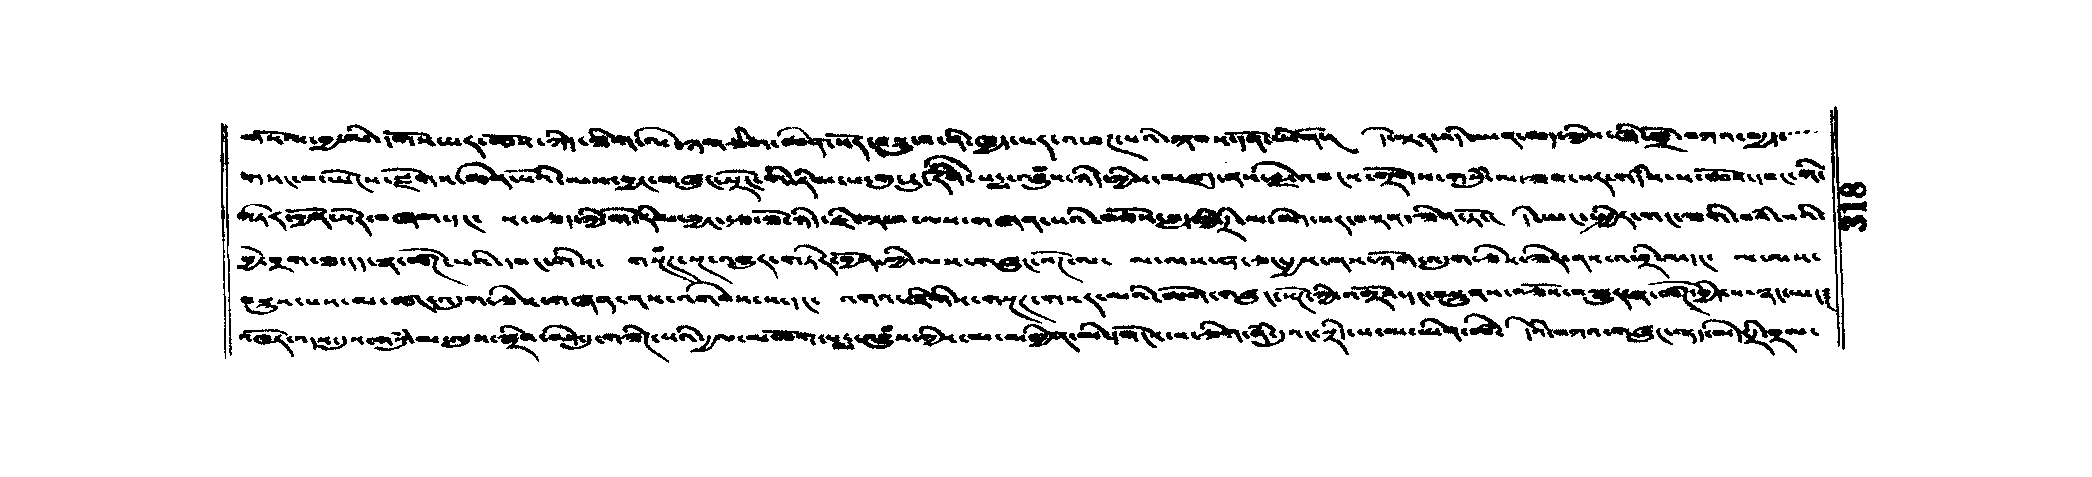གསོལ་བྱ་མི་དགོས་པར་ཆོས་ཉིད་ཐིག་ལེ་ཉག་གཅིག་ཆེན་པོར་བསྡུ་བ་ནི་ཁྱད་པར་འཕགས་པའི་སྐབས་དོན་ཡིན་ནོ། དེ་ལྟར་དེ་ཡན་ཆད་ཀྱིས་ཞི་ཁྲོ་བཀའ་བརྒྱད་
གསང་བ་ཡོངས་རྫོགས་ཆེན་པོའི་ལས་བྱང་གཞུང་སྲོང་གི་རིམ་པ་གུ་རུ་རིན་པོ་ཆེ་པདྨ་འབྱུང་གནས་ཉིད་ཀྱིས་མཛད་ནས་རྗེ་འབངས་གྲོགས་གསུམ་ལ་ཟབ་པར་གདམས་པ་ཆོས་དབང་གི་
གཏེར་བྱོན་སོར་བཞག་དང་། ས་བཅད་ཀྱི་གོ་རིམ་ཀྱང་རྩ་ཐོ་ཉིད་ཇི་ལྟ་བ་ལས་གཞན་པའི་བཅོས་བསླད་ཀྱི་དྲི་མ་མེད་པར་བསྟན་ཟིན་ཏོ། དེ་ཡང་སྤྱིར་གང་ཟག་གི་བསམ་པའི་
བྱེ་བྲག་ཐ་དད་སྣ་ཚོགས་པའི་དབང་གིས། གསང་སྔགས་སྔ་འགྱུར་གཏེར་བྱོན་གྱི་ལས་གཞུང་སོགས་ལ། ལ་ལས་ཧ་ཅང་རྒྱས་ནས་ཉོག་འདུག་ཅེས་ཟེར་ནས་འཕྲི་བ་དང་། ལ་ལས་
བསྡུས་པས་མ་ཚང་འདུག་ཅེས་གཞན་ནས་འགེབས་པ་དང་། འགའ་ཞིག་གསང་སྔགས་གསར་མའི་ཆོག་གཞུང་གི་འགྲོས་དང་བསྟུན་ནས་བཅོས་བསྒྱུར་ན་ཚོགས་བྱེད་པ་སྣང་ཡང་། 
འཁོར་འདས་དུས་གསུམ་མ་ལུས་སྒྲིབ་མེད་དུ་གཟིགས་པའི་རྒྱལ་མཆོག་པདྨ་འབྱུང་གནས་ཀྱིས་མ་མཁྱེན་མི་དགོངས་པ་གཅིག་དུས་ནམ་དུའང་སྲིད་པ་མ་ཡིན་ཚེ། དེའི་བཀའ་གཞུང་ལྷད་མེད་དྲི་བྲལ་